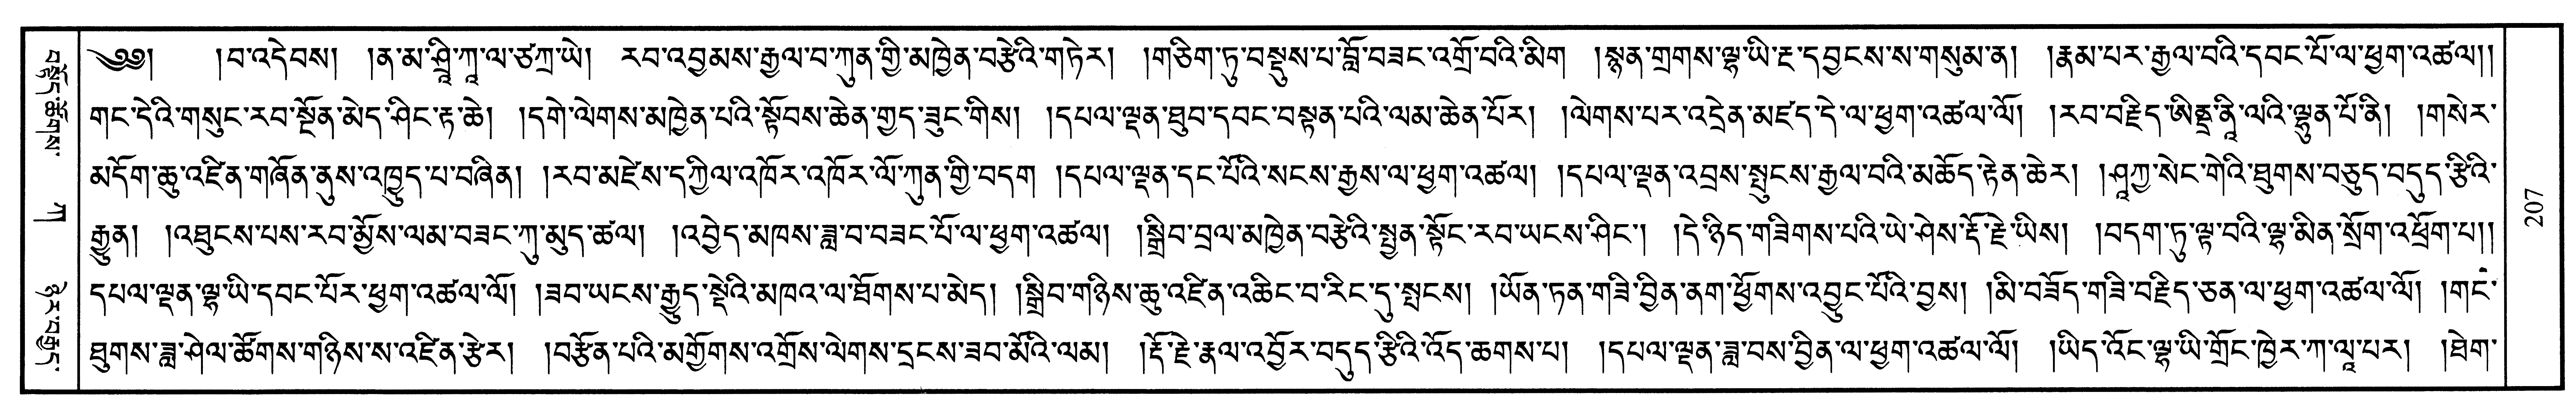༄༅། །བ་འདེབས། །ན་མ་ཤྲཱི་ཀཱ་ལ་ཙཀྲ་ཡེ། །རབ་འབྱམས་རྒྱལ་བ་ཀུན་གྱི་མཁྱེན་བརྩེའི་གཏེར། །གཅིག་ཏུ་བསྡུས་པ་བློ་བཟང་འགྲོ་བའི་མིག །སྙན་གྲགས་ལྷ་ཡི་རྔ་དབྱངས་ས་གསུམ་ན། །རྣམ་པར་རྒྱལ་བའི་དབང་པོ་ལ་ཕྱག་འཚལ། །
གང་དེའི་གསུང་རབ་སྔོན་མེད་ཤིང་རྟ་ཆེ། །དགེ་ལེགས་མཁྱེན་པའི་སྟོབས་ཆེན་གྱད་ཟུང་གིས། །དཔལ་ལྡན་ཐུབ་དབང་བསྟན་པའི་ལམ་ཆེན་པོར། །ལེགས་པར་འདྲེན་མཛད་དེ་ལ་ཕྱག་འཚལ་ལོ། །རབ་བརྗིད་ཨིནྡྲ་ནཱི་ལའི་ལྷུན་པོ་ནི། །གསེར་
མདོག་ཆུ་འཛིན་གཞོན་ནུས་འཁྱུད་པ་བཞིན། །རབ་མཛེས་དཀྱིལ་འཁོར་འཁོར་ལོ་ཀུན་གྱི་བདག །དཔལ་ལྡན་དང་པོའི་སངས་རྒྱས་ལ་ཕྱག་འཚལ། །དཔལ་ལྡན་འབྲས་སྤུངས་རྒྱལ་བའི་མཆོད་རྟེན་ཆེར། །ཤཱཀྱ་སེང་གེའི་ཐུགས་བཅུད་བདུད་རྩིའི་
རྒྱུན། །འཐུངས་པས་རབ་མྱོས་ལམ་བཟང་ཀུ་མུད་ཚལ། །འབྱེད་མཁས་ཟླ་བ་བཟང་པོ་ལ་ཕྱག་འཚལ། །སྒྲིབ་བྲལ་མཁྱེན་བརྩེའི་སྤྱན་སྟོང་རབ་ཡངས་ཤིང་། །དེ་ཉིད་གཟིགས་པའི་ཡེ་ཤེས་རྡོ་རྗེ་ཡིས། །བདག་ཏུ་ལྟ་བའི་ལྷ་མིན་སྲོག་འཕྲོག་པ།།
དཔལ་ལྡན་ལྷ་ཡི་དབང་པོར་ཕྱག་འཚལ་ལོ། །ཟབ་ཡངས་རྒྱུད་སྡེའི་མཁའ་ལ་ཐོགས་པ་མེད། །སྒྲིབ་གཉིས་ཆུ་འཛིན་འཆིང་བ་རིང་དུ་སྤངས། །ཡོན་ཏན་གཟི་བྱིན་ནག་ཕྱོགས་འབྱུང་པོའི་བྱས། །མི་བཟོད་གཟི་བརྗིད་ཅན་ལ་ཕྱག་འཚལ་ལོ། །གང་
ཐུགས་ཟླ་ཤེལ་ཚོགས་གཉིས་ས་འཛིན་རྩེར། །བརྩོན་པའི་མགྱོགས་འགྲོས་ལེགས་དྲངས་ཟབ་མོའི་ལམ། །རྡོ་རྗེ་རྣལ་འབྱོར་བདུད་རྩིའི་འོད་ཆགས་པ། །དཔལ་ལྡན་ཟླ་བས་བྱིན་ལ་ཕྱག་འཚལ་ལོ། །ཡིད་འོང་ལྷ་ཡི་གྲོང་ཁྱེར་ཀ་ལཱ་པར། །ཐེག་